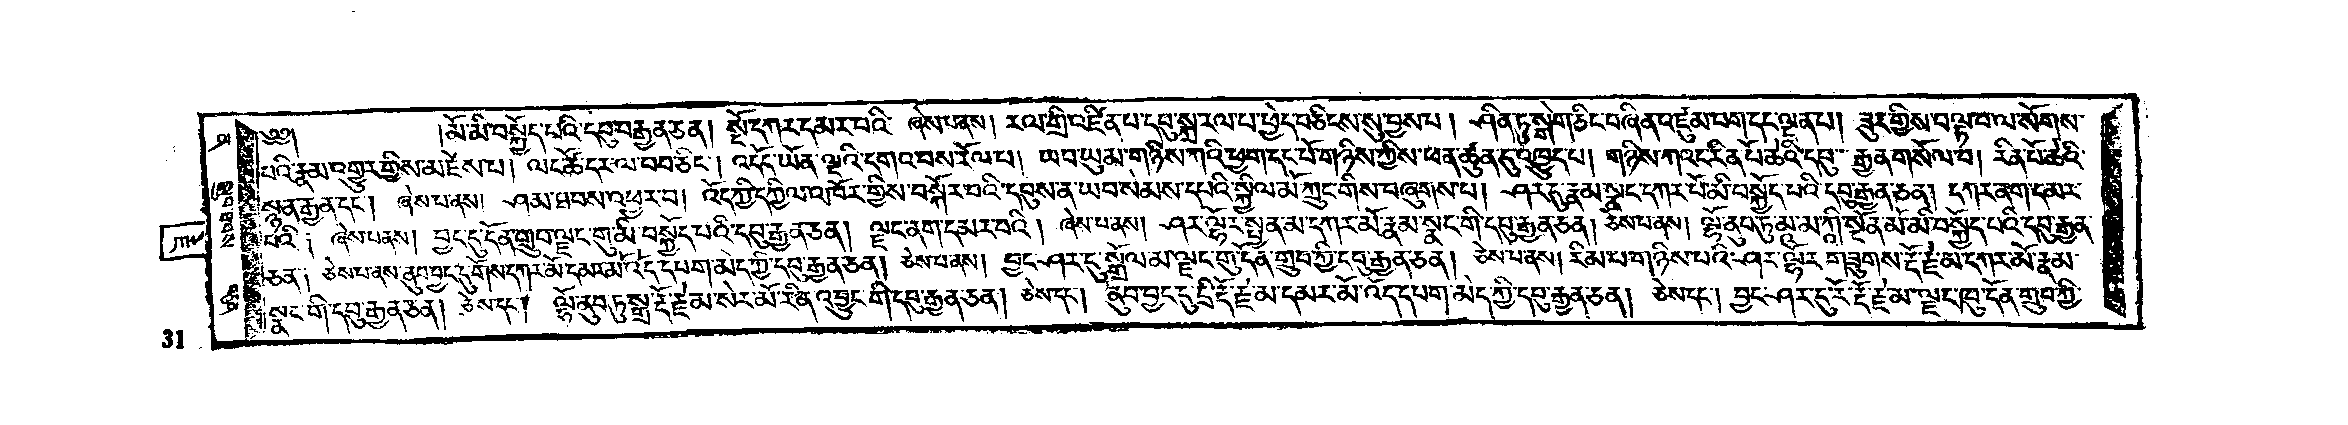༄༅། །མེ་མི་བསྐྱོད་པའི་དབུ་བརྒྱན་ཅན། སྔོ་དཀར་དམར་བའི་ཞེས་པ་ནས།  རལ་གྲི་འཛིན་པ་དབུ་སྐྲ་རལ་པ་ཕྱེད་བཅིངས་སུ་བྱས་པ། ཤིན་ཏུ་སྒེག་ཅིང་བཞིན་འཛུམ་བག་དང་ལྡན་པ། ཟུར་གྱིས་བལྟ་བ་ལ་སོགས་
པའི་རྣམ་འགྱུར་གྱིས་མཛེས་པ། ལང་ཚོ་དར་ལ་བབ་ཅིང་། འདོད་ཡོན་ལྔའི་དགའ་བས་རོལ་པ། ཡབ་ཡུམ་གཉིས་ཀའི་ཕྱག་དང་པོ་གཉིས་ཀྱིས་ཕན་ཚུན་དུ་འཁྱུད་པ། གཉིས་ཀའང་རིན་པོ་ཆེའི་དབུ་རྒྱན་གསོལ་བ། རིན་པོ་ཆེའི་
སྙན་རྒྱན་དང་། ཞེས་པ་ནས།  ཤམ་ཐབས་འབྱར་བ། འོད་ཀྱི་དཀྱིལ་འཁོར་གྱིས་བསྐོར་བའི་དབུས་ན་ཡབ་སེམས་དཔའི་སྐྱིལ་མོ་ཀྲུང་གིས་བཞུགས་པ། ཤར་དུ་རྣམ་སྣང་དཀར་པོ་མི་བསྐྱོད་པའི་དབུ་རྒྱན་ཅན། དཀར་ནག་དམར་
བའི། ཞེས་པ་ནས།  བྱང་དུ་དོན་གྲུབ་ལྗང་གུ་མི་བསྐྱོད་པའི་དབུ་རྒྱན་ཅན། ལྗང་ནག་དམར་བའི། ཞེས་པ་ནས།  ཤར་ལྷོར་སྤྱན་མ་དཀར་མོ་རྣམ་སྣང་གི་དབུ་རྒྱན་ཅན། ཅེས་པ་ནས།  ལྷོ་ནུབ་ཏུ་མཱ་མ་ཀཱི་སྔོན་མོ་མི་བསྐྱོད་པའི་དབུ་རྒྱན་
ཅན། ཅེས་པ་ནས་ནུབ་བྱང་དུ་གོས་དཀར་མོ་དམར་མོ་འོད་དཔག་མེད་ཀྱི་དབུ་རྒྱན་ཅན། ཅེས་པ་ནས།  བྱང་ཤར་དུ་སྒྲོལ་མ་ལྗང་གུ་དོན་གྲུབ་ཀྱི་དབུ་རྒྱན་ཅན། ཅེས་པ་ནས།  རིམ་པ་གཉིས་པའི་ཤར་ལྷོར་གཟུགས་རྡོ་རྗེ་མ་དཀར་མོ་རྣམ་
སྣང་གི་དབུ་རྒྱན་ཅན། ཅེས་དང་།  ལྷོ་ནུབ་ཏུ་སྒྲ་རྡོ་རྗེ་མ་སེར་མོ་རིན་འབྱུང་གི་དབུ་རྒྱན་ཅན། ཅེས་དང་།  ནུབ་བྱང་དུ་དྲི་རྡོ་རྗེ་མ་དམར་མོ་འོད་དཔག་མེད་ཀྱི་དབུ་རྒྱན་ཅན། ཅེས་དང་།  བྱང་ཤར་དུ་རོ་རྡོ་རྗེ་མ་ལྗང་ཁུ་དོན་གྲུབ་ཀྱི་